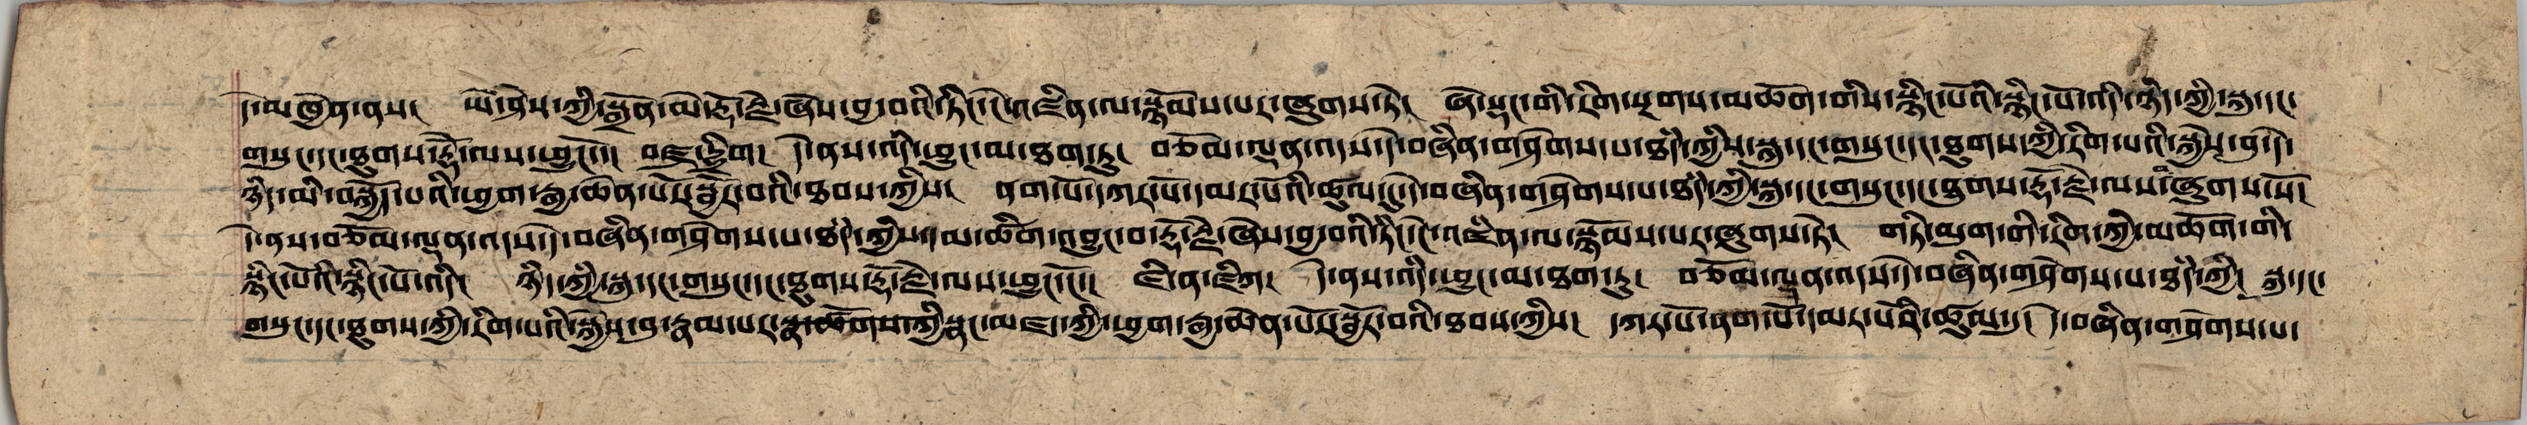དེ་མཁྱེན་ནས། ཡེ་ཤེས་ཀྱི་སྒྲོན་མེ་རྡོ་རྗེ་ཞེས་བྱ་བའི་ཏིང་ངེ་འཛིན་ལ་སྙོམས་པར་ཞུགས་ཏེ་། ཞེ་སྡང་གི་རིག་སྔགས་མཆོག་གིས་སྙིང་པོའི་སྙིང་པོ་འདི་ཉིད་ཀྱི་སྐུ་དང་
གསུང་དང་ཐུགས་རྡོེ་ལས་ཕྱུངོ་་། བཛྲ་དྷྲིག། དེ་ནས་འདི་ཕྱུང་མ་ཐག་ཏུ་། བཅོམ་ལྡན་འདས་དེ་བཞིན་གཤེགས་པ་ཐཾད་ཀྱིས་སྐུ་དང་གསུང་དང་ཐུགས་ཀྱི་རིག་པའི་སྐྱེས་བུ་དེ་
ཉིད་མི་བསྐྱོད་པའི་ཕྱག་རྒྱ་ཆེན་པོར་སྦྱོར་བའི་ཐབས་ཀྱིས། ནག་པོ་དཀར་པོ་དམར་པོའི་ཚུལ་དུ་དེ་བཞིན་གཤེགས་པ་ཐཾད་ཀྱི་སྐུ་དང་གསུང་དང་ཐུགས་རྡོ་རྗེ་ལས་ཞུགས་སོ་
དེ་ནས་བཅོམ་ལྡན་འདས་དེ་བཞིན་གཤེགས་པ་ཐཾད་ཀྱིས་དམ་ཚིག་འབྱུང་བ་རྡོ་རྗེ་ཞེས་བྱ་བའི་ཏིང་ངེ་འཛིན་ལ་སྙོམས་པར་ཞུགས་ཏེ། གཏི་མུག་གི་རིག་ཀྱི་མཆོག་གི་
སྙིང་པོའི་སྙིང་པོ་འདི་། ཉིད་ཀྱི་སྐུ་དང་གསུང་དང་ཐུགས་རྡོ་རྗེ་ལས་ཕྱུང་ངོ་། ཛི་ན་ཛིཀ། དེ་ནས་འདི་ཕྱུང་མ་ཐག་ཏུ། བཅོམ་ལྡན་འདས་དེ་བཞིན་གཤེགས་པ་ཐཾད་ཀྱི། སྐུ་དང་
གསུང་དང་ཐུགས་ཀྱི་རིག་པའི་སྐྱེས་བུ་རྣམ་པར་སྣ་ཚོགས་ཀྱི་སྣང་མཛད་ཀྱི་ཕྱག་རྒྱ་ཆེན་པོར་སྦྱོར་བའི་ཐབས་ཀྱིས། དཀར་པོ་ནག་པོ་དམར་པོའི་ཚུལ་དུ་། དེ་བཞིན་གཤེགས་པ་